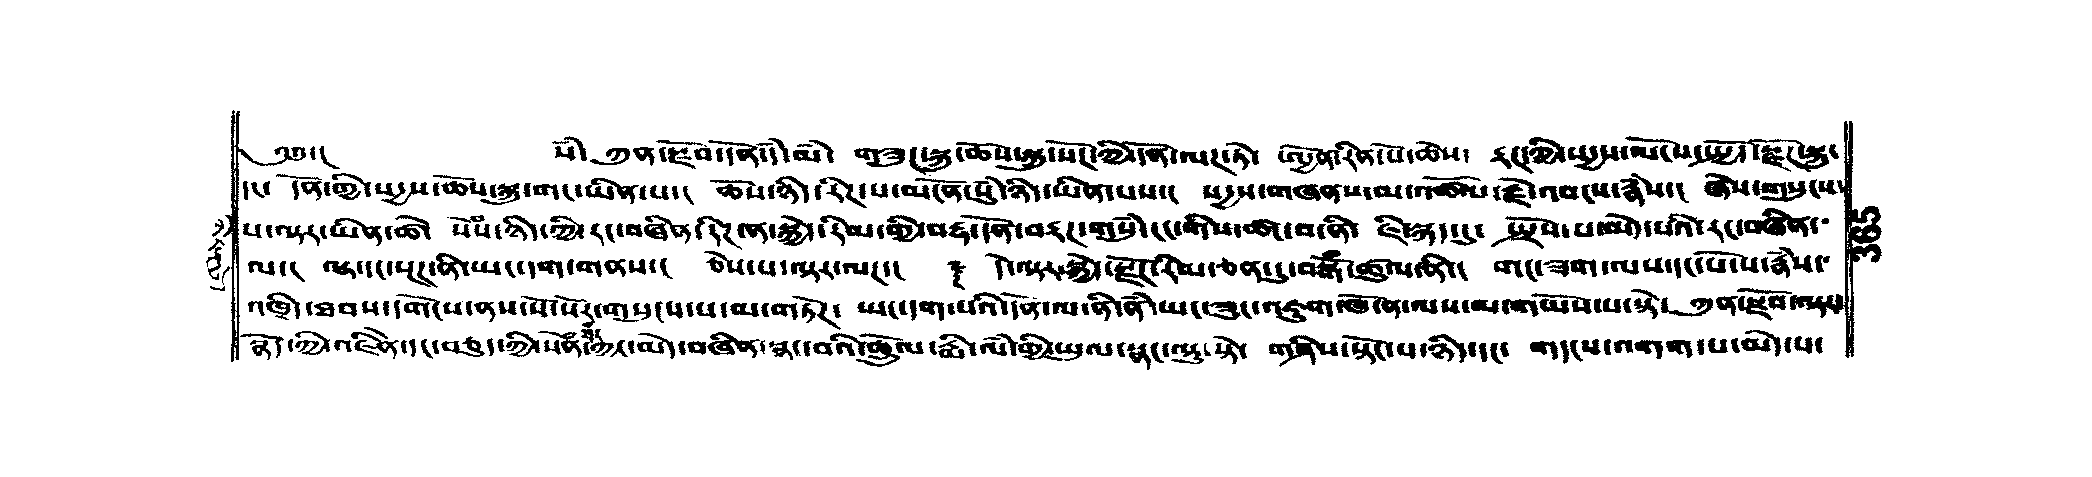སམ། ཀུན་རྫོབ་དོན་དམ་མམ། གཟུགས་སྐུ་ཆོས་སྐུ་སོགས་ཀྱི་དོན་ལགས་ཏེ། ཨོ་རྒྱན་རིན་པོ་ཆེས། རྟགས་ཀྱི་སངས་རྒྱས་ལོངས་སྤྱོད་རྫོགས་སྐུ་
དང་། །དོན་གྱི་སངས་རྒྱས་ཆོས་སྐུ་གང་ཡིན་པ། །ཆོས་ཉིད་རིག་པ་མངོན་སུམ་ཉིད་ཡིན་པས། །སངས་རྒྱས་གཞན་ནས་མ་འཚོལ་རྗེ་འབངས་རྣམས། ཞེས་གསུངས་
པ་ལྟར་ཡིན་ཚེ། སེམས་ཉིད་ཀྱི་རང་བཞིན་རིག་ན་བསྐྱེད་རིམ་གྱི་བརྡ་དོན་རྟགས་གསུམ་ངང་གིས་ཚང་བ་ནི། ཇི་སྐད་དུ། སྤྲོས་པ་མེད་པའི་རང་བཞིན་
ལ། །ལྷ་དང་སྔགས་ནི་ཡང་དག་གནས། ཅེས་པ་ལྟར་ལགས། ༈ དེ་ལྟར་བསྐྱེད་རྫོགས་རིམ་ཅན་དུ་བསྒོམ་ཚུལ་ནི། གང་ཟག་ལས་དང་པོ་པ་རྣམས་
འཁྲིད་ཐབས་དགོངས་ནས་སོ་སོར་གསུངས་པ་མ་གཏོགས། ཡང་དག་པའི་དོན་ལ་ནི་ནམ་ཡང་ཟུང་འཇུག་ཁོ་ན་ལས་མ་གཡོས་པ་སྟེ། ཀུན་རྫོབ་ལྟར་
སྣོད་ཀྱི་འཇིག་རྟེན་དང་བཅུད་ཀྱི་སེམས་ཅན་ཐམས་ཅད་ཀྱང་མེད་བཞིན་སྣང་བའི་ཆོ་འཕྲུལ་རྨི་ལམ་གྱི་ཡུལ་སྣང་ལྟ་བུ་སྟེ། གཤིས་སྟོང་པ་ཉིད་དང་། གདངས་འགག་པ་མེད་པ།